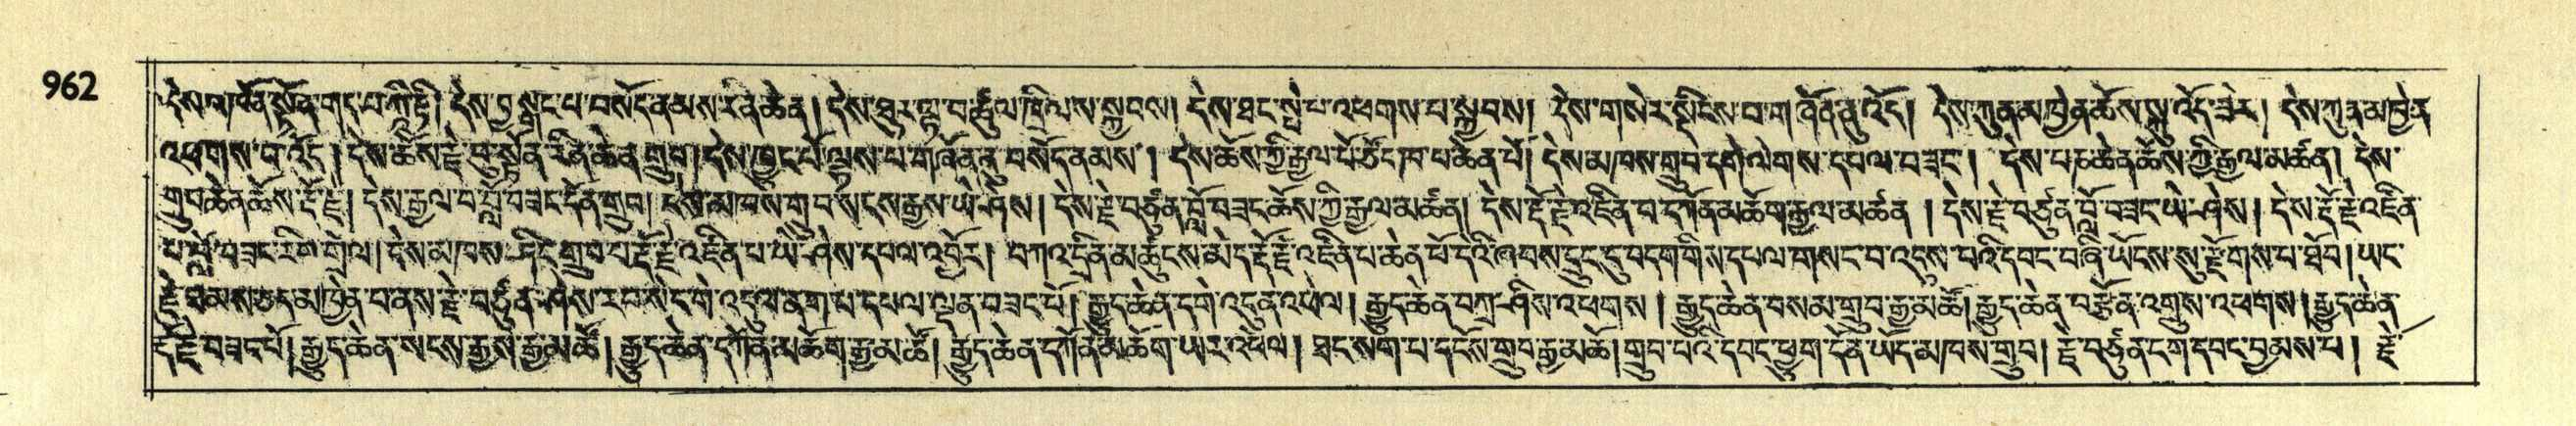དེས་འཁོན་སྟོན་གད་པ་ཀཱི་རྟི། དེས་བྱ་སྒང་པ་བསོད་ནམས་རིན་ཆེན། དེས་ཐུར་ལྟ་བ་ཚུལ་ཁྲི་ལས་སྐྱབས། དེས་ཐང་སྤེ་པ་འཕགས་པ་སྐྱབས། དེས་གསེར་སྡིངས་བ་གཞོན་ནུ་འོད། དེས་ཀུན་མཁྱེན་ཆོས་སྐུ་འོད་ཟེར། དེས་ཀུན་མཁྱེན་
འཕགས་བ་འོད། དེས་ཆོས་རྗེ་བུ་སྟོན་རིན་ཆེན་གྲུབ། དེས་ཁྱུང་པོ་ལྷས་པ་གཞོན་ནུ་བསོད་ནམས། དེས་ཆོས་ཀྱི་རྒྱལ་པོ་ཙོང་ཁ་པ་ཆེན་པོ། དེས་མཁས་གྲུབ་དགེ་ལེགས་དཔལ་བཟང་། དེས་པཎ་ཆེན་ཆོས་ཀྱི་རྒྱལ་མཚན། དེས་
གྲུབ་ཆེན་ཆོས་རྡོ་རྗེ། དེས་རྒྱལ་བ་བློ་བཟང་དོན་གྲུབ། ངེས་མཁས་གྲུབ་སངས་རྒྱས་ཡེ་ཤེས། དེས་རྗེ་བཙུན་བློ་བཟང་ཆོས་ཀྱི་རྒྱལ་མཚན། དེས་རྡོ་རྗེ་འཛིན་བ་དཀོན་མཆོག་རྒྱལ་མཚན་།དེས་རྗེ་བཙུན་བློ་བཟང་ཡེ་ཤེས། དེས་རྡོ་རྗེ་འཛིན་
པ་བློ་བཟང་རིག་གྲོལ། དེས་མཁས་ཤིང་གྲུབ་པ་རྡོ་རྗེ་འཛིན་པ་ཡེ་ཤེས་དཔལ་འབྱོར། བཀའ་དྲིན་མཚུངས་མེད་རྡོ་རྗེ་འཛིན་པ་ཆེན་པོ་དེའི་ཞབས་དྲུང་དུ་བདག་གིས་དཔལ་གསང་བ་འདུས་པའི་དབང་བཞི་ཡོངས་སུ་རྫོགས་པ་ཐོབ། ཡང་
རྗེ་ཐམས་ཅད་མཁྱེན་པ་ནས་རྗེ་བཙུན་ཤེས་རབ་སེང་གེ་འདུལ་ནག་པ་དཔལ་ལྡན་བཟང་པོ། རྒྱུད་ཆེན་དགེ་འདུན་འཕེལ། རྒྱུད་ཆེན་བཀྲ་ཤིས་འཕགས། རྒྱུད་ཆེན་བསམ་གྲུབ་རྒྱ་མཚོ། རྒྱུད་ཆེན་བརྩོན་འགྲུས་འཕགས། རྒྱུད་ཆེན་
རྡོ་རྗེ་བཟང་པོ། རྒྱུད་ཆེན་སངས་རྒྱས་རྒྱ་མཚོ། རྒྱུད་ཆེན་དཀོན་མཆོག་རྒྱ་མཚོ། རྒྱུད་ཆེན་དཀོན་མཆོག་ཡར་འཕེལ། ཐང་སག་པ་དངོས་གྲུབ་རྒྱ་མཚོ། གྲུབ་པའི་དབང་ཕྱུག་དོན་ཡོད་མཁས་གྲུབ། རྗེ་བཙུན་ངག་དབང་བྱམས་པ། རྗེ་